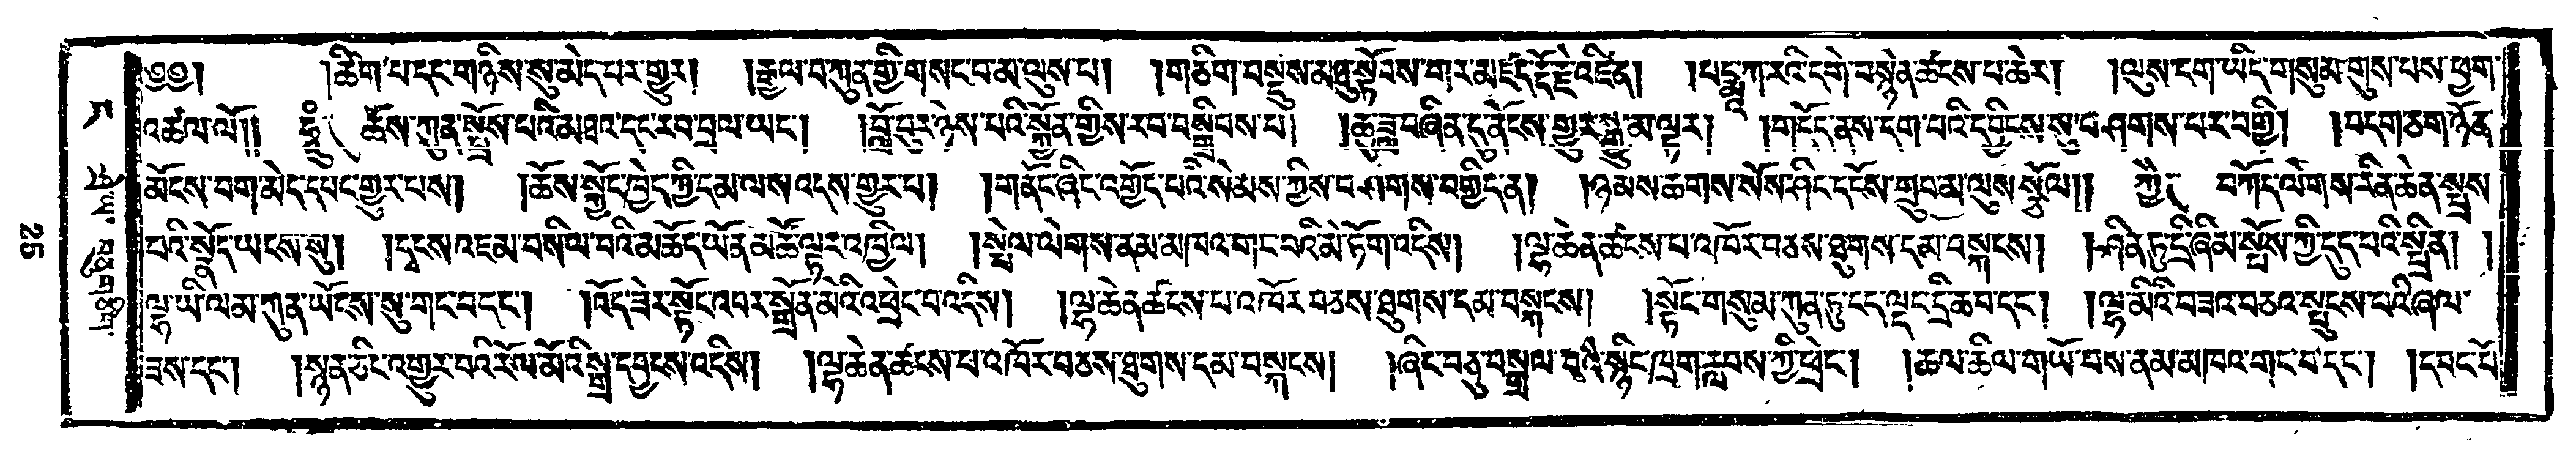༄༅། །ཚིག་པ་དང་གཉིས་སུ་མེད་པར་གྱུར། །རྒྱལ་བ་ཀུན་གྱི་གསང་བ་མ་ལུས་པ། །གཅིག་བསྡུས་མཐུ་སྟོབས་གར་མཛད་རྡོ་རྗེ་འཛིན། །པདམཱ་ཀ་རའི་དགེ་བསྙེན་ཚངས་པ་ཆེར། །ལུས་ངག་ཡིད་གསུམ་གུས་པས་ཕྱག་
འཚལ་ལོ།། ཧཱུཾ༑ ཆོས་ཀུན་སྤྲོས་པའི་མཐའ་དང་རབ་བྲལ་ཡང་། །བློ་བུར་ཉེས་པའི་སྐྱོན་གྱིས་རབ་བསྒྲིབས་པ། །ཆུ་ཟླ་བཞིན་དུ་ནོངས་གྱུར་སྒྱུ་མ་ལྟར། །གདོད་ནས་དག་པའི་དབྱིངས་སུ་བཤགས་པར་བགྱི། །བདག་ཅག་ཉོན་
མོངས་བག་མེད་དབང་གྱུར་པས། །ཆོས་སྐྱོང་ཁྱེད་ཀྱི་དམ་ལས་འདས་གྱུར་པ། །གནོང་ཞིང་འགྱོད་པའི་སེམས་ཀྱིས་བཤགས་བགྱིད་ན། །ཉམས་ཆགས་སོས་ཤིང་དངོས་གྲུབ་མ་ལུས་སྩོལ།། ཀྱཻ༑ བཀོད་ལེགས་རིན་ཆེན་སྤྲས་
པའི་སྣོད་ཡངས་སུ། །དྭངས་འཇམ་བསིལ་བའི་མཆོད་ཡོན་མཚོ་ལྟར་འཁྱིལ། །སྤེལ་ལེགས་ནམ་མཁའ་གང་བའི་མེ་ཏོག་འདིས། །ལྷ་ཆེན་ཚངས་པ་འཁོར་བཅས་ཐུགས་དམ་བསྐངས། །ཤིན་ཏུ་དྲི་ཞིམ་སྤོས་ཀྱི་དུད་པའི་སྤྲིན།།
ལྷ་ཡི་ལམ་ཀུན་ཡོངས་སུ་གང་བ་དང་། །འོད་ཟེར་སྟོང་འབར་སྒྲོན་མེའི་འཕྲེང་བ་འདིས། །ལྷ་ཆེན་ཚངས་པ་འཁོར་བཅས་ཐུགས་དམ་བསྐངས། །སྟོང་གསུམ་ཀུན་ཏུ་ངད་ལྡང་དྲི་ཆབ་དང་། །ལྷ་མིའི་བཟའ་བཅའ་སྤུངས་པའི་ཞལ་
ཟས་དང་། །སྙན་ཅིང་འགྱུར་བའི་རོལ་མོའི་སྒྲ་དབྱངས་འདིས། །ལྷ་ཆེན་ཚངས་པ་འཁོར་བཅས་ཐུགས་དམ་བསྐངས། །ཞིང་བཅུ་བསྒྲལ་བའི་སྙིང་ཁྲག་རླབས་ཀྱི་ཕྲེང་། །ཆལ་ཆིལ་གཡོ་བས་ནམ་མཁའ་གང་བ་དང་། །དབང་པོ་